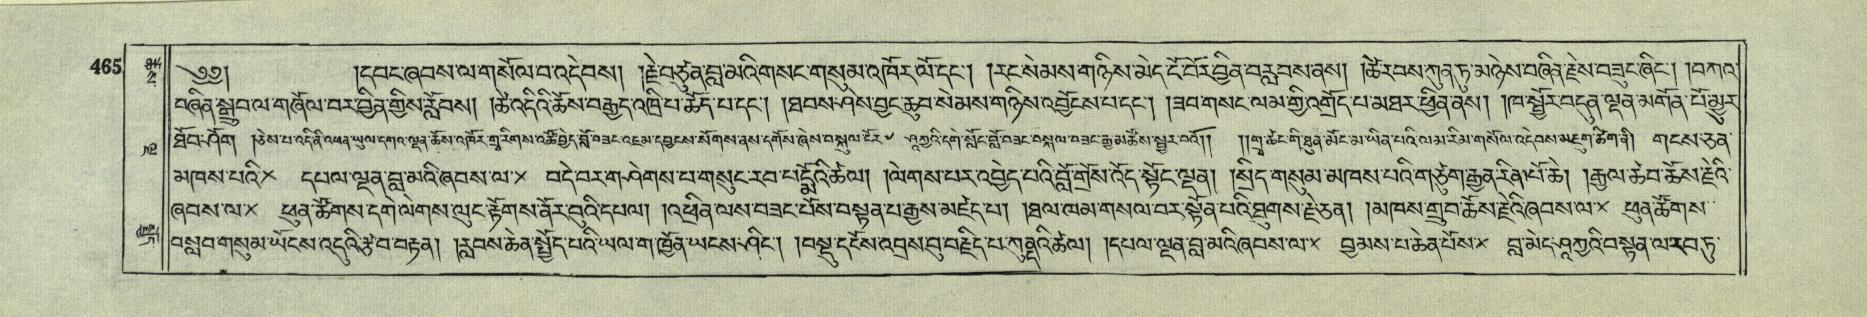༄༅། །དབང་ཞབས་ལ་གསོལ་བ་འདེབས། །རྗེ་བཙུན་བླ་མའི་གསང་གསུམ་འཁོར་ལོ་དང་། །རང་སེམས་གཉིས་མེད་ངོ་བོར་བྱིན་བརླབས་ནས། །ཚེ་རབས་ཀུན་ཏུ་མཉེས་བཞིན་རྗེས་བཟུང་ཞིང་། །བཀའ་
བཞིན་སྒྲུབ་ལ་གཞོལ་བར་བྱིན་གྱིས་རློབས། །ཚེ་འདིའི་ཆོས་བརྒྱད་འཁྲི་པ་ཆོད་པ་དང་། །ཐབས་ཤེས་བྱང་ཆུབ་སེམས་གཉིས་འབྱོངས་པ་དང་། །ཟབ་གསང་ལམ་གྱི་འགྲོད་པ་མཐར་ཕྱིན་ནས། །ཁ་སྦྱོར་བདུན་ལྡན་མགོན་པོ་མྱུར་
ཐོབ་ཤོག ། ཅེས་པ་འདི་ནི་འཕན་ཡུལ་དགའ་ལྡན་ཆོས་འཁོར་གྲྭ་རིགས་འཚོ་བྱེད་བློ་བཟང་འཇམ་དབྱངས་སོགས་ནས་དགོས་ཞེས་བསྐུལ་ངོར ༧་ཤའྐྱའི་དགེ་སློང་བློ་བཟང་བསྐལ་བཟང་རྒྱ་མཚོས་སྦྱར་བའོ།། །།གྲྭ་ཚང་གི་ཐུན་མོང་མ་ཡིན་པའི་ལམ་རིམ་གསོལ་འདེབས་མཇུག་ཚིག་ནི། གངས་ཅན་
མཁས་པའི་྾་དཔལ་ལྡན་བླ་མའི་ཞབས་ལ་྾་བདེ་བར་གཤེགས་པ་གསུང་རབ་པདམོའི་ཚལ། །ལེགས་པར་འབྱེད་པའི་བློ་གྲོས་འོད་སྟོང་ལྡན། །སྲིད་གསུམ་མཁས་པའི་གཙུག་རྒྱན་རིན་པོ་ཆེ། །རྒྱལ་ཚབ་ཆོས་རྗེའི་
ཞབས་ལ་྾་ཕུན་ཚོགས་དགེ་ལེགས་ལུང་རྟོགས་ནོར་བུའི་དཔལ། །འཕྲིན་ལས་བཟང་པོས་བསྟན་པ་རྒྱས་མཛད་པ། །ཐལ་ལམ་གསལ་བར་སྟོན་པའི་ཐུགས་རྗེ་ཅན། །མཁས་གྲུབ་ཆོས་རྗེའི་ཞབས་ལ་྾་ཕུན་ཚོགས་
བསླབ་གསུམ་ཡོངས་འདུའི་རྩ་བ་བརྟན། །རླབས་ཆེན་སྤྱོད་པའི་ཡལ་ག་ཁྱོན་ཡངས་ཤིང་། །བསྡུ་དངོས་འབྲས་བུ་བརྗིད་པ་ཀུནྡའི་ཚལ། །དཔལ་ལྡན་བླ་མའི་ཞབས་ལ་྾་བྱམས་པ་ཆེན་པོས་྾་བླ་མེད་ཤཱཀྱའི་བསྟན་ལ་རབ་ཏུ་